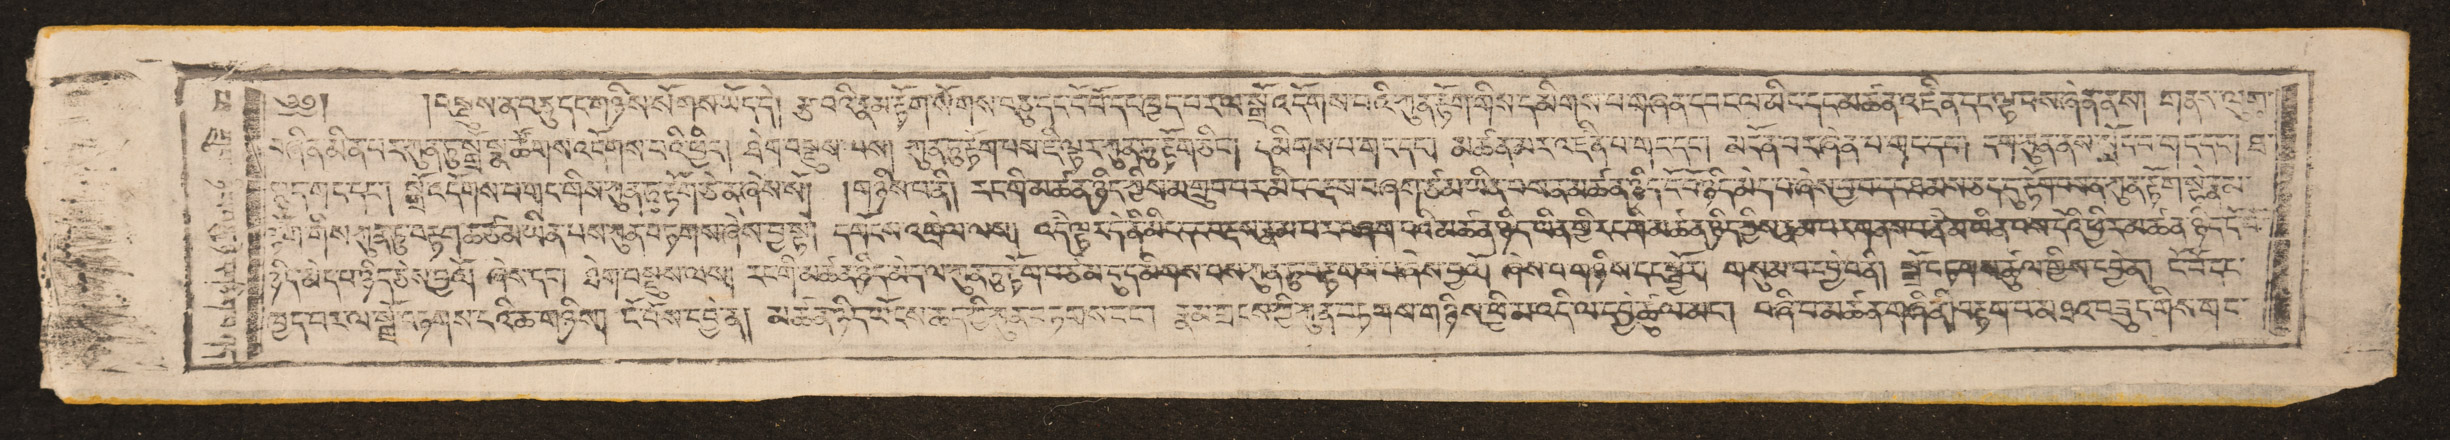༄༅། །བསྡུས་ན་བཅུ་དང་གཉིས་སོགས་ཡོད་དེ། རྩ་བའི་རྣམ་རྟོག་སོགས་བཅུ་དང་ངོ་བོ་དང་ཁྱད་པར་ལ་སྒྲོ་འདོགས་པའི་ཀུན་རྟོག་གིས་དམིགས་པ་གཞན་དབང་ལ་མིང་དང་མཚན་འཛིན་དང་ལྟ་བས་ཞེན་ནས། གནས་ལུགས་
བཞིན་མིན་པར་ཀུན་ཏུ་སྒྲོ་སྣ་ཚོགས་འདོགས་པའི་ཕྱིར། ཐེག་བསྡུས་ལས། ཀུན་ཏུ་རྟོག་པས་ཇི་ལྟར་ཀུན་ཏུ་རྟོག་ཅིང་། དམིགས་པ་གང་དང་། མཚན་མར་འཛིན་པ་གང་དང་། མངོན་པར་ཞེན་པ་གང་དང་། དག་ཀུན་ནས་སློང་བ་གང་དང་། ཐ་
སྙད་གང་དང་། སྒྲོ་འདོགས་པ་གང་གིས་ཀུན་ཏུ་རྟོག་ཅེན་ཞེས་སོ། །གཉིས་པ་ནི། རང་གི་མཚན་ཉིད་ཀྱིས་མ་གྲུབ་པར་མིང་བརྡས་བཞག་ཙམ་ཡིན་པས་ན་མཚན་ཉིད་ངོ་བོ་ཉིད་མེད་པ་ཞེས་བྱ་བ་དང་ཐམས་ཅད་དུ་རྟོག་པས་ན་ཀུན་རྟོག་སྟེ་རྣམ་
རྟོག་གིས་ཀུན་ཏུ་བརྟག་ཆ་ཙམ་ཡིན་པས་ཀུན་བཏགས་ཞེས་བྱ་སྟེ། དགོངས་འགྲེལ་ལས། འདི་ལྟར་དེ་ནི་མིང་དང་བརྡས་རྣམ་པར་བཞག་པའི་མཚན་ཉིད་ཡིན་གྱི་རང་གི་མཚན་ཉིད་ཀྱིས་རྣམ་པར་གནས་པ་ནི་མ་ཡིན་པས་དེའི་ཕྱིར་མཚན་ཉིད་ངོ་བོ་
ཉིད་མིན་པ་ཉིད་ཅེས་བྱའོ། ཞེས་དང་། ཐེག་བསྡུས་ལས། རང་གི་མཚན་ཉིད་མེད་ལ་ཀུན་ཏུ་རྟོག་པ་ཙམ་དུ་དམིགས་པས་ཀུན་ཏུ་བརྟགས་པ་ཞེས་བྱའོ། ཞེས་པ་གཉིས་དང་སྦྱོར། གསུམ་པ་དབྱེ་བ་ནི། སྒྲོ་བཏགས་ཚུལ་གྱིས་དབྱེ་ན། ངོ་བོ་དང་
ཁྱད་པར་ལ་སྒྲོ་བཏགས་པའི་ཆ་གཉིས། ངོ་བོས་དབྱེ་ན། མཚན་ཉིད་ཡོངས་ཆད་ཀྱི་ཀུན་བཏགས་དང་། རྣམ་གྲངས་ཀྱི་ཀུན་བཏགས་གཉིས་ཕྱི་མ་འདི་ལ་དབྱེ་ཚུལ་མང་། བཞི་བ་མཚན་གཞི་ནི། བརྟག་པ་མཐའ་བཟུང་གིས་གང་